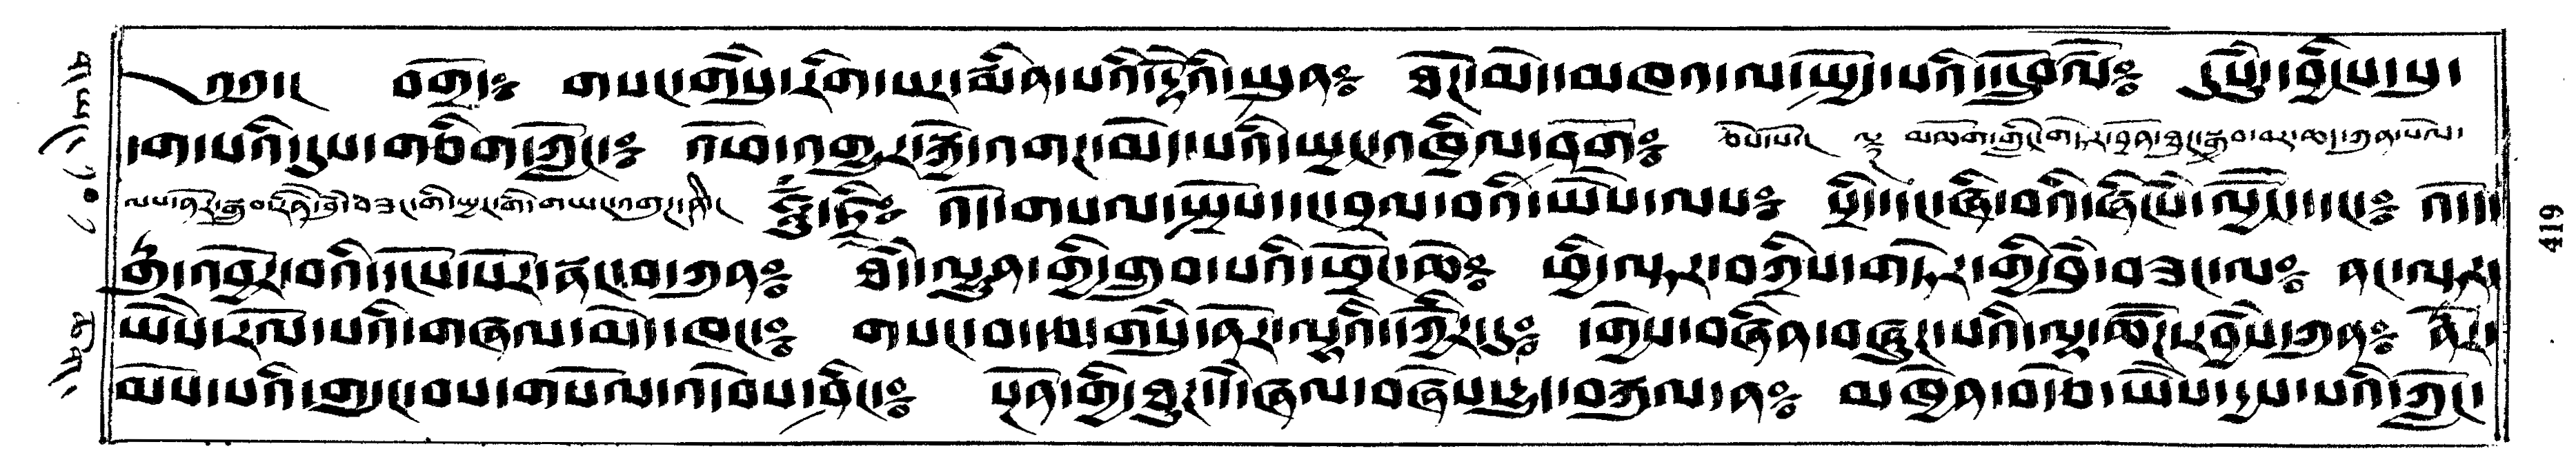བགྲོད༔ གསང་གསུམ་རིག་པར་སྨིན་པའི་རྡོ་རྗེའི་སྤུན༔ ཐོགས་མེད་མཁའ་ལ་སྤྱོད་པའི་དངོས་གྲུབ་སྩོལ༔ དུས་གསུམ་དབྱིངས་སུ་
དག་པའི་དུས་གཅིག་ཀློང༔ འཕོ་འགྱུར་སྐྱེ་འགགས་མེད་པའི་གཡང་འཁྱིལ་ཤོག༔ ཅེས་སོ། ༈ མཆོག་གླིང་གཏེར་བྱོན་ཐུགས་སྒྲུབ་བར་ཆད་ཀུན་སེལ་
ལས། ནོར་སྒྲུབ་རིན་ཆེན་བུམ་བཟང་གི་གཡང་འགུགས་ནི། ཧཱུྃ་ཧྲཱི༔ འོད་གསལ་སྤྲོས་དང་བྲལ་བའི་ཡེ་ཤེས་ལས༔ སྲིད་དང་ཞི་བའི་ཞིང་ཁམས་ལོངས་སྤྱོད་དང༔ འདོད་
རྒུ་འབྱོར་བའི་དངོས་པོར་སྣང་བ་ཀུན༔ ཐམས་ཅད་ལྷུན་གྱི་གྲུབ་པའི་ཕོ་བྲང་ཆེ༔ ཕྱི་ལྟར་བཀྲ་ཤིས་གཏེར་གྱི་བུམ་བཟང་ལ༔ ནང་ལྟར་
ཡེ་ཤེས་རོལ་པའི་གཞལ་མེད་ཁང༔ གསང་བ་རྩ་གསུམ་ནོར་ལྷའི་དཀྱིལ་འཁོར་དུ༔ དགྱེས་བཞིན་བཞུགས་པའི་ལྷ་ཚོགས་རབ་འབྱམས་ཀུན༔ རྣལ་འབྱོར་
མོས་པའི་གདུང་བས་གསོལ་འདེབས་ཤིང༔ སྔོན་གྱི་ཐུགས་དམ་ཞལ་བཞེས་རྒྱུད་བསྐུལ་ན༔ མཁྱེན་བརྩེ་ཡེ་ཤེས་རྒྱས་པའི་ཀློང་